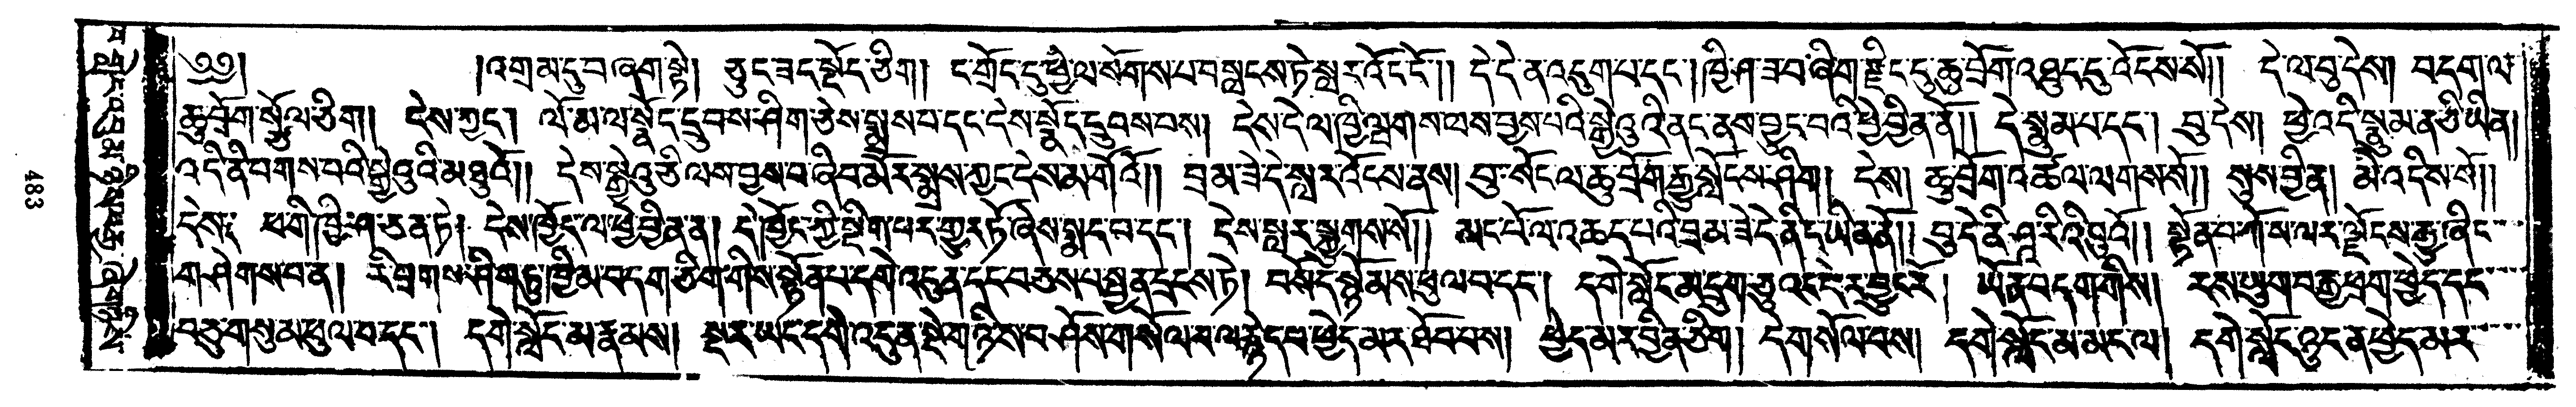༄༅། །འགྲམ་དུ་བཞག་སྟེ། ཅུང་ཟད་སྡོད་ཅིག། ང་གྲོང་དུ་ཕྱི་ལ་སོགས་པ་བསླངས་ཏེ་སླར་འོང་ངོ།། དེ་དེ་ན་འདུག་པ་དང་། ཁྱི་ཤ་ཟབ་ཞིག་རྫིང་དུ་ཆུ་བྲོག་འཐུང་དུ་འོངས་སོ།། དེ་ལ་བུ་དེས། བདག་ལ་
ཆུ་བྲོག་སྩོལ་ཅིག། དེས་ཀྱང་། ལོ་མ་ལ་སྣོད་དྲུབས་ཤིག་ཅེས་སྨྲས་པ་དང་དེས་སྣོད་དྲུབས་བས། དེས་དེ་ལ་ཁྱི་ལྤགས་ལས་བྱས་པའི་སྒྱེའུའི་ནང་ནས་བྱུང་བའི་ཕྱེ་བྱིན་ནོ།། དེ་སྣུམ་པ་དང་། བུ་དེས། ཕྱེ་འདི་སྣུམ་ན་ཅི་ཡིན།
འདི་ནི་པགས་པའི་སྒྱེའུའི་མཐུའོ།། དེས་སྒྱེའུ་ཅི་ལས་བྱས་བ་ཞིབ་མོར་སྨྲས་ཀྱང་དེས་མགོའོ།། བྲམ་ཟེ་དེ་སླར་འོངས་ནས། བུ་སོང་ལ་ཆུ་བྲོག་རྒྱུ་སློངས་ཤིག། དེས། ཆུ་བྲོག་འཚལ་ལགས་སོ།། སུས་བྱིན། མི་འདིས་སོ།།
དེས༑ ཕ་གི་ཁྱི་ཤ་ཅན་ཏེ། དེས་ཁྱོད་ལ་ཕྱེ་བྱིན་ན། དེ་ཁྱོད་ཀྱི་སྡིག་པར་གྱུར་ཏོ་ཞེས་སྨད་པ་དང་། དེས་སླར་སྐྱུགས་སོ།། མང་པོ་ལ་འཆད་པའི་བྲམ་ཟེ་དེ་ནིང་ཡིན་ནོ།། བུ་དེ་ནི་ཤཱ་རིའི་བུའོ།། སྟོན་པ་ཀོ་ས་ལར་ལྗོངས་རྒྱུ་ཞིང་
གཤེགས་བ་ན། རི་བྲགས་ཤིག་ཏུ་ཁྱིམ་བདག་ཅིག་གིས་སྟོན་པ་དགེ་འདུན་དང་བཅས་པ་སྤྱན་དྲངས་ཏེ། བསོད་སྙོམས་ཕུལ་བ་དང་། དགེ་སློང་མ་དྲུག་ཅུའང་དེར་བྱུང་རོ། ཡོན་བདག་གིས། རས་ཡུག་བརྒྱ་ཕྲག་ཕྱེད་དང་
བཅུ་གསུམ་ཕུལ་བ་དང་། དགེ་སློང་མ་རྣམས། སྔར་ཡང་དགེ་འདུན་སྡེ་གཉིས་བཤོས་གསོལ་བ་ལ་རྙེད་པ་ཕྱེད་མར་ཐོབ་པས། ཕྱེད་མར་བྱིན་ཅིག། དེ་གསོལ་བས། དགེ་སློང་མ་མང་ལ། དགེ་སློང་ཉུང་ན་ཕྱེད་མར་